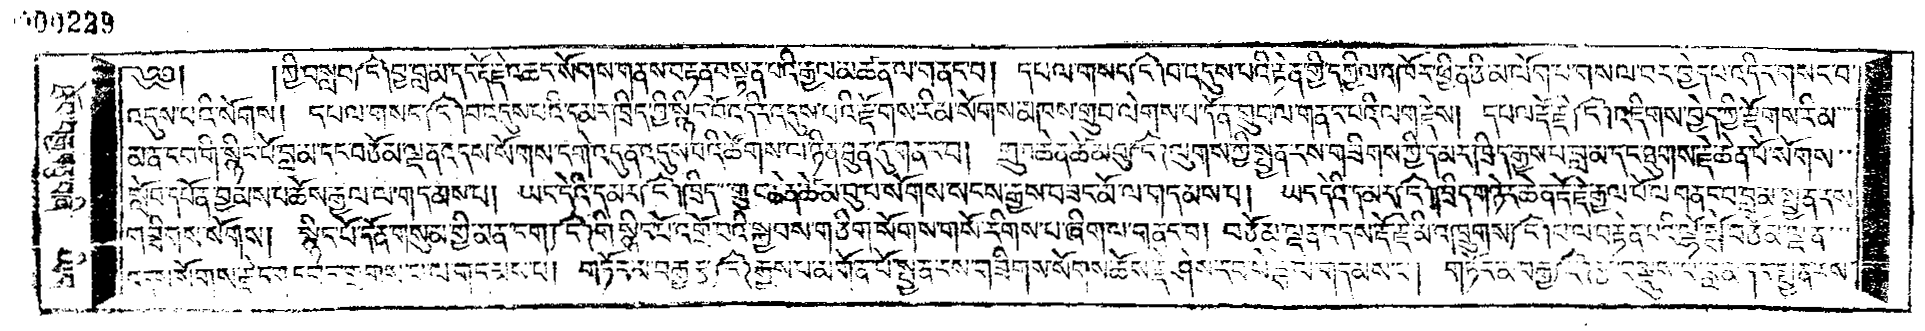༄༅། །ཀྱི་བསླབ ༼ང༽ བྱ་བླ་མ་དང་རྡོ་རྗེ་འཆང་སོགས་གནས་བརྟན་བསྟན་པའི་རྒྱལ་མཚན་ལ་གནང་བ། དཔལ་གསང ༼ང༽ བ་འདུས་པའི་རྟེན་གྱི་དཀྱིལ་འཁོར་ཕྱིན་ཅི་མ་ལོག་པ་གསལ་བར་བྱེད་པ་འདིར་གསང་བ་
འདུས་པའི་སོགས། དཔལ་གསང ༼ང༽ བ་འདུས་པའི་དམར་ཁྲིད་ཀྱི་སྙིང་བོ་འདིར་འདུས་པའི་རྫོགས་རིམ་སོགས་མཁས་གྲུབ་ལེགས་པ་དོན་གྲུབ་ལ་གནང་བའི་ལག་རྗེས། དཔལ་རྡོ་རྗེ ༼ང༽ འཇིགས་བྱེད་ཀྱི་རྫོགས་རིམ་
མན་ངག་གི་སྙིང་པོ་བླ་མ་དང་བཅོམ་ལྡན་འདས་སོགས་དགེ་འདུན་འདུས་པའི་ཚོགས་ལ་ཉིན་ཐུན་དུ་གནང་བ། གྲུབ་ཆེན་ཚེམ་བུ ༼ང༽ ལུགས་ཀྱི་སྤྱན་རས་གཟིགས་ཀྱི་དམར་ཁྲིད་རྒྱས་པ་བླ་མ་དང་ཐུགས་རྗེ་ཆེན་པོ་སོགས་
སློབ་དཔོན་བྱམས་པ་ཆོས་རྒྱལ་ལ་གདམས་པ། ཡང་དེའི་དམར ༼ང༽ ཁྲིད་གྲུབ་ཆེན་ཚེམ་བུ་པ་སོགས་སངས་རྒྱས་བཟང་མོ་ལ་གདམས་པ། ཡང་དེའི་དམར ༼ང༽ ཁྲིད་གཉེར་ཆེན་རྡོ་རྗེ་རྒྱལ་པོ་ལ་གནང་བ་བླ་མ་སྤྱན་རས་
གཟིགས་སོགས། སྙིང་པོ་དོན་གསུམ་གྱི་མན་ངག ༼ང༽ གི་སྙིང་པོ་འགྲོ་བའི་སྐྱབས་གཅིག་སོགས་གསོ་རིགས་པ་ཞིག་ལ་གནང་བ། བཅོམ་ལྡན་འདས་རྡོ་རྗེ་མི་འཁྲུགས ༼ང༽ པ་ལ་བརྟེན་པའི་ལྷོ་སྒོ་བཅོམ་ལྡན་
འདས་སོགས་རྗེ་ངག་དབང་གྲགས་པ་ལ་གདམས་པ། གཏོར་མ་བརྒྱ་རྩ ༼ང༽ རྒྱས་པ་མགོན་པོ་སྤྱན་རས་གཟིགས་སོགས་ཆོས་རྗེ་ཤེས་རབ་སེངྒེ་ལ་གདམས་པ། གཏོར་མ་བརྒྱ ༼ཇ༽ རྩ་བསྡུས་པ་བླ་མ་དང་སྤྱན་རས་